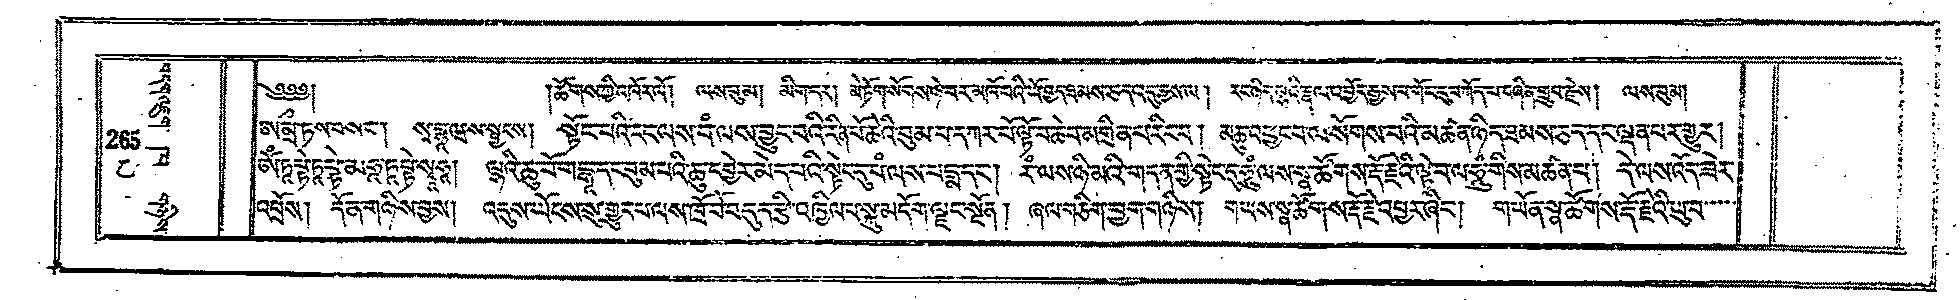༄༅༅། །ཚོགས་ཀྱི་འཁོར་ལོ། ལས་བུམ། མིག་དར། མེ་ཏོག་སོགས་ཉེ་བར་མཁོ་བའི་ཡོ་བྱད་ཐམས་ཅད་འདུ་བྱས་ལ། རང་ཉིད་ལྷའི་རྣལ་འབྱོར་རྒྱས་པ་གོང་དུ་བཀོད་པ་བཞིན་གྲུབ་རྗེས། ལས་བུམ།
ཨ་མྲྀ་ཏས་བསང་། སྭ་བྷཱ་ཝས་སྦྱངས། སྟོང་པའི་ངང་ལས་བཾ་ལས་བྱུང་བའི་རིན་པོ་ཆེའི་བུམ་པ་དཀར་པོ་ལྟོ་བ་ཆེ་བ་མགྲིན་པ་རིང་བ། མཆུ་འཕྱང་བ་ལ་སོགས་པའི་མཚན་ཉིད་ཐམས་ཅད་དང་ལྡན་པར་གྱུར།
ཨོཾ་ཏཱ་པྟེ་ཏཱ་པྟེ་མཧཱ་ཏཱ་པྟེ་སྭཱཧཱ། ལྷའི་ཆུ་བོ་གངྷཱ་དང་བུམ་པའི་ཆུ་དབྱེར་མེད་པའི་སྟེང་དུ་པཾ་ལས་པདམ་དང་། རཾ་ལས་ཉི་མའི་གདན་གྱི་སྟེང་དུ་ཧཱུཾ་ལས་སྣ་ཚོགས་རྡོ་རྗེའི་ལྟེ་བ་ལ་ཧཱུཾ་གིས་མཚན་པ། དེ་ལས་འོད་ཟེར་
འཕྲོས། དོན་གཉིས་བྱས། འདུས་ཡོངས་སུ་གྱུར་པ་ལས་ཁྲོ་བོ་བདུད་རྩི་འཁྱིལ་པ་སྐུ་མདོག་ལྗང་སྔོན། ཞལ་གཅིག་ཕྱག་གཉིས། གཡས་སྣ་ཚོགས་རྡོ་རྗེ་འཕྱར་ཞིང་། གཡོན་སྣ་ཚོགས་རྡོ་རྗེའི་ཡུ་བ་་་